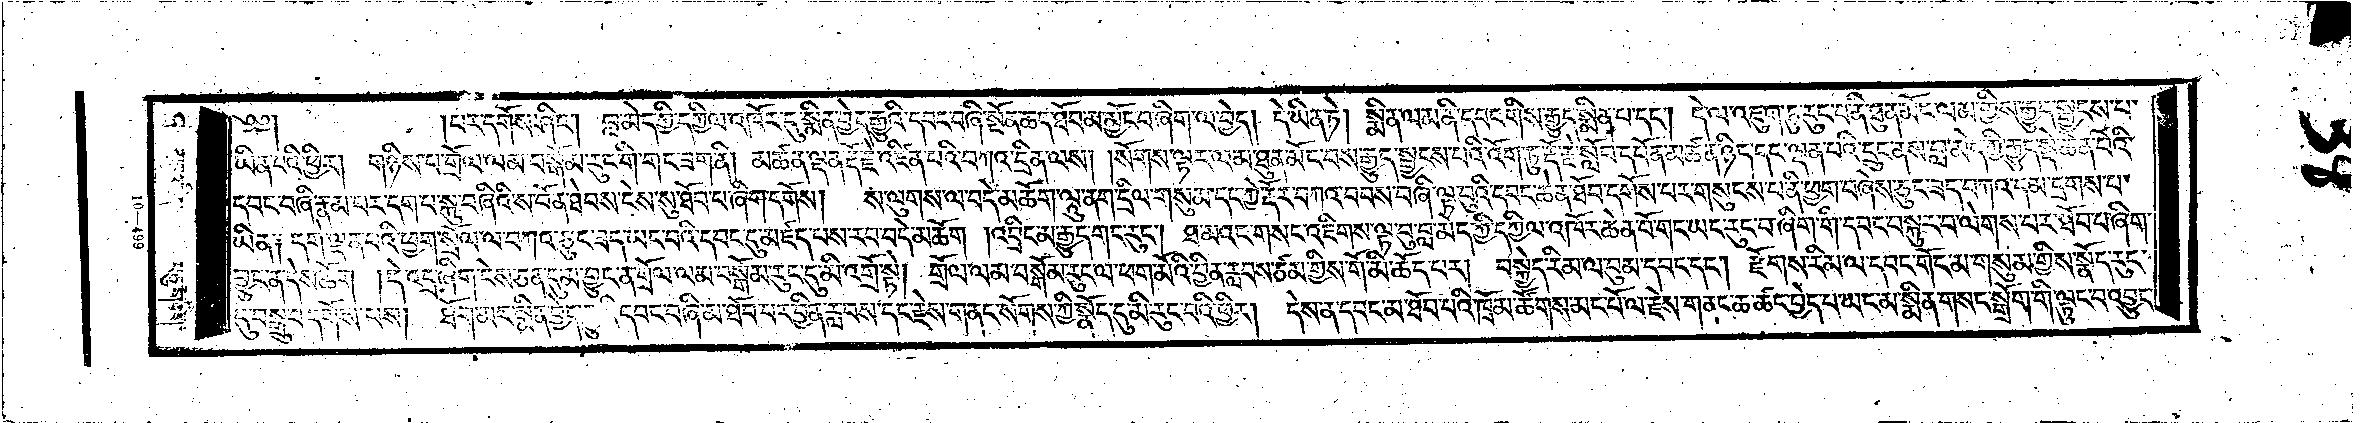༄༅། །པར་དགོས་ཤིང་། བླ་མེད་ཀྱི་དཀྱིལ་འཁོར་དུ་སྨིན་བྱེད་རྒྱུའི་དབང་བཞི་སྔོན་ཆད་ཐོབ་མ་མྱོང་བ་ཞིག་ལ་བྱེད། དེ་ཡིན་ཏེ། སྨིན་ལམ་ནི་དབང་གིས་རྒྱུད་སྨིན་པ་དང་། དེ་ལ་འཇུག་ཏུ་རུང་བ་ནི་ཐུན་མོང་ལམ་གྱིས་རྒྱུད་སྦྱངས་པ་
ཡིན་པའི་ཕྱིར། གཉིས་པ་གྲོལ་ལམ་བསྒོམ་རུང་གི་གང་ཟག་ནི། མཚན་ལྡན་རྡོ་རྗེ་འཛིན་པའི་བཀའ་དྲིན་ལས། །སོགས་ལྟར་ལམ་ཐུན་མོང་བས་རྒྱུད་སྦྱངས་པའི་འོག་ཏུ་རྡོ་རྗེ་སློབ་དཔོན་མཚན་ཉིད་དང་ལྡན་པའི་དྲུང་ནས་བླ་མེད་ཀྱི་རྒྱུད་སྡེ་ཆེན་པོའི་
དབང་བཞི་རྣམ་པར་དག་པ་སྐུ་བཞིའི་ས་བོན་ཐེབས་ངེས་སུ་ཐོབ་པ་ཞིག་དགོས། ས་ལུགས་ལ་བདེ་མཆོག་ལཱུ་ནག་དྲིལ་གསུམ་དང་ཀྱེ་རྡོར་བཀའ་བབས་བཞི་ལྟ་བུའི་དབང་ཆེན་ཐོབ་དགོས་པར་གསུངས་པ་ནི་ཕྱག་བཞེས་ཅུང་ཟད་བཀའ་དམ་དྲགས་པ་
ཡིན༑ དགེ་ལྡན་པའི་ཕྱག་སྲོལ་ལ་བཀའ་ཅུང་ཟད་ཡང་བའི་དབང་དུ་མཛད་པས་རབ་བདེ་མཆོག །འབྲིང་མ་རྒྱུད་གང་རུང་། ཐ་མའང་གསང་འཇིགས་ལྟ་བུ་བླ་མེད་ཀྱི་དཀྱིལ་འཁོར་ཆེན་པོ་གང་ཡང་རུང་བ་ཞིག་གི་དབང་བསྐུར་བ་ལེགས་པར་ཐོབ་པ་ཞིག་
བྱུང་ན་དེས་ཆོག །དེ་འདྲ་ཞིག་ངེས་ཅན་དུ་མ་བྱུང་ན་གྲོལ་ལམ་བསྒོམ་རུང་དུ་མི་འགྲོ་སྟེ། གྲོལ་ལམ་བསྒོམ་རུང་ལ་ཕག་མོའི་བྱིན་རླབས་ཙམ་གྱིས་གོ་མི་ཆོད་པར། བསྐྱེད་རིམ་ལ་བུམ་དབང་དང་། རྫོགས་རིམ་ལ་དབང་གོང་མ་གསུམ་གྱིས་སྣོད་རུང་
དུ་བསྒྲུབ་དགོས་པས། ཐོག་མར་སྨིན་བྱེད་རྒྱུའི་དབང་བཞི་མ་ཐོབ་པར་བྱིན་རླབས་དང་རྗེས་གནང་སོགས་ཀྱི་སྣོད་དུ་མི་རུང་བའི་ཕྱིར། དེས་ན་དབང་མ་ཐོབ་པའི་ཁྲོམ་ཚོགས་མང་པོ་ལ་རྗེས་གནང་ཆ་ཚང་བྱེད་པ་ཡང་མ་སྨིན་གསང་སྒྲོག་གི་ལྟུང་བ་འབྱུང་